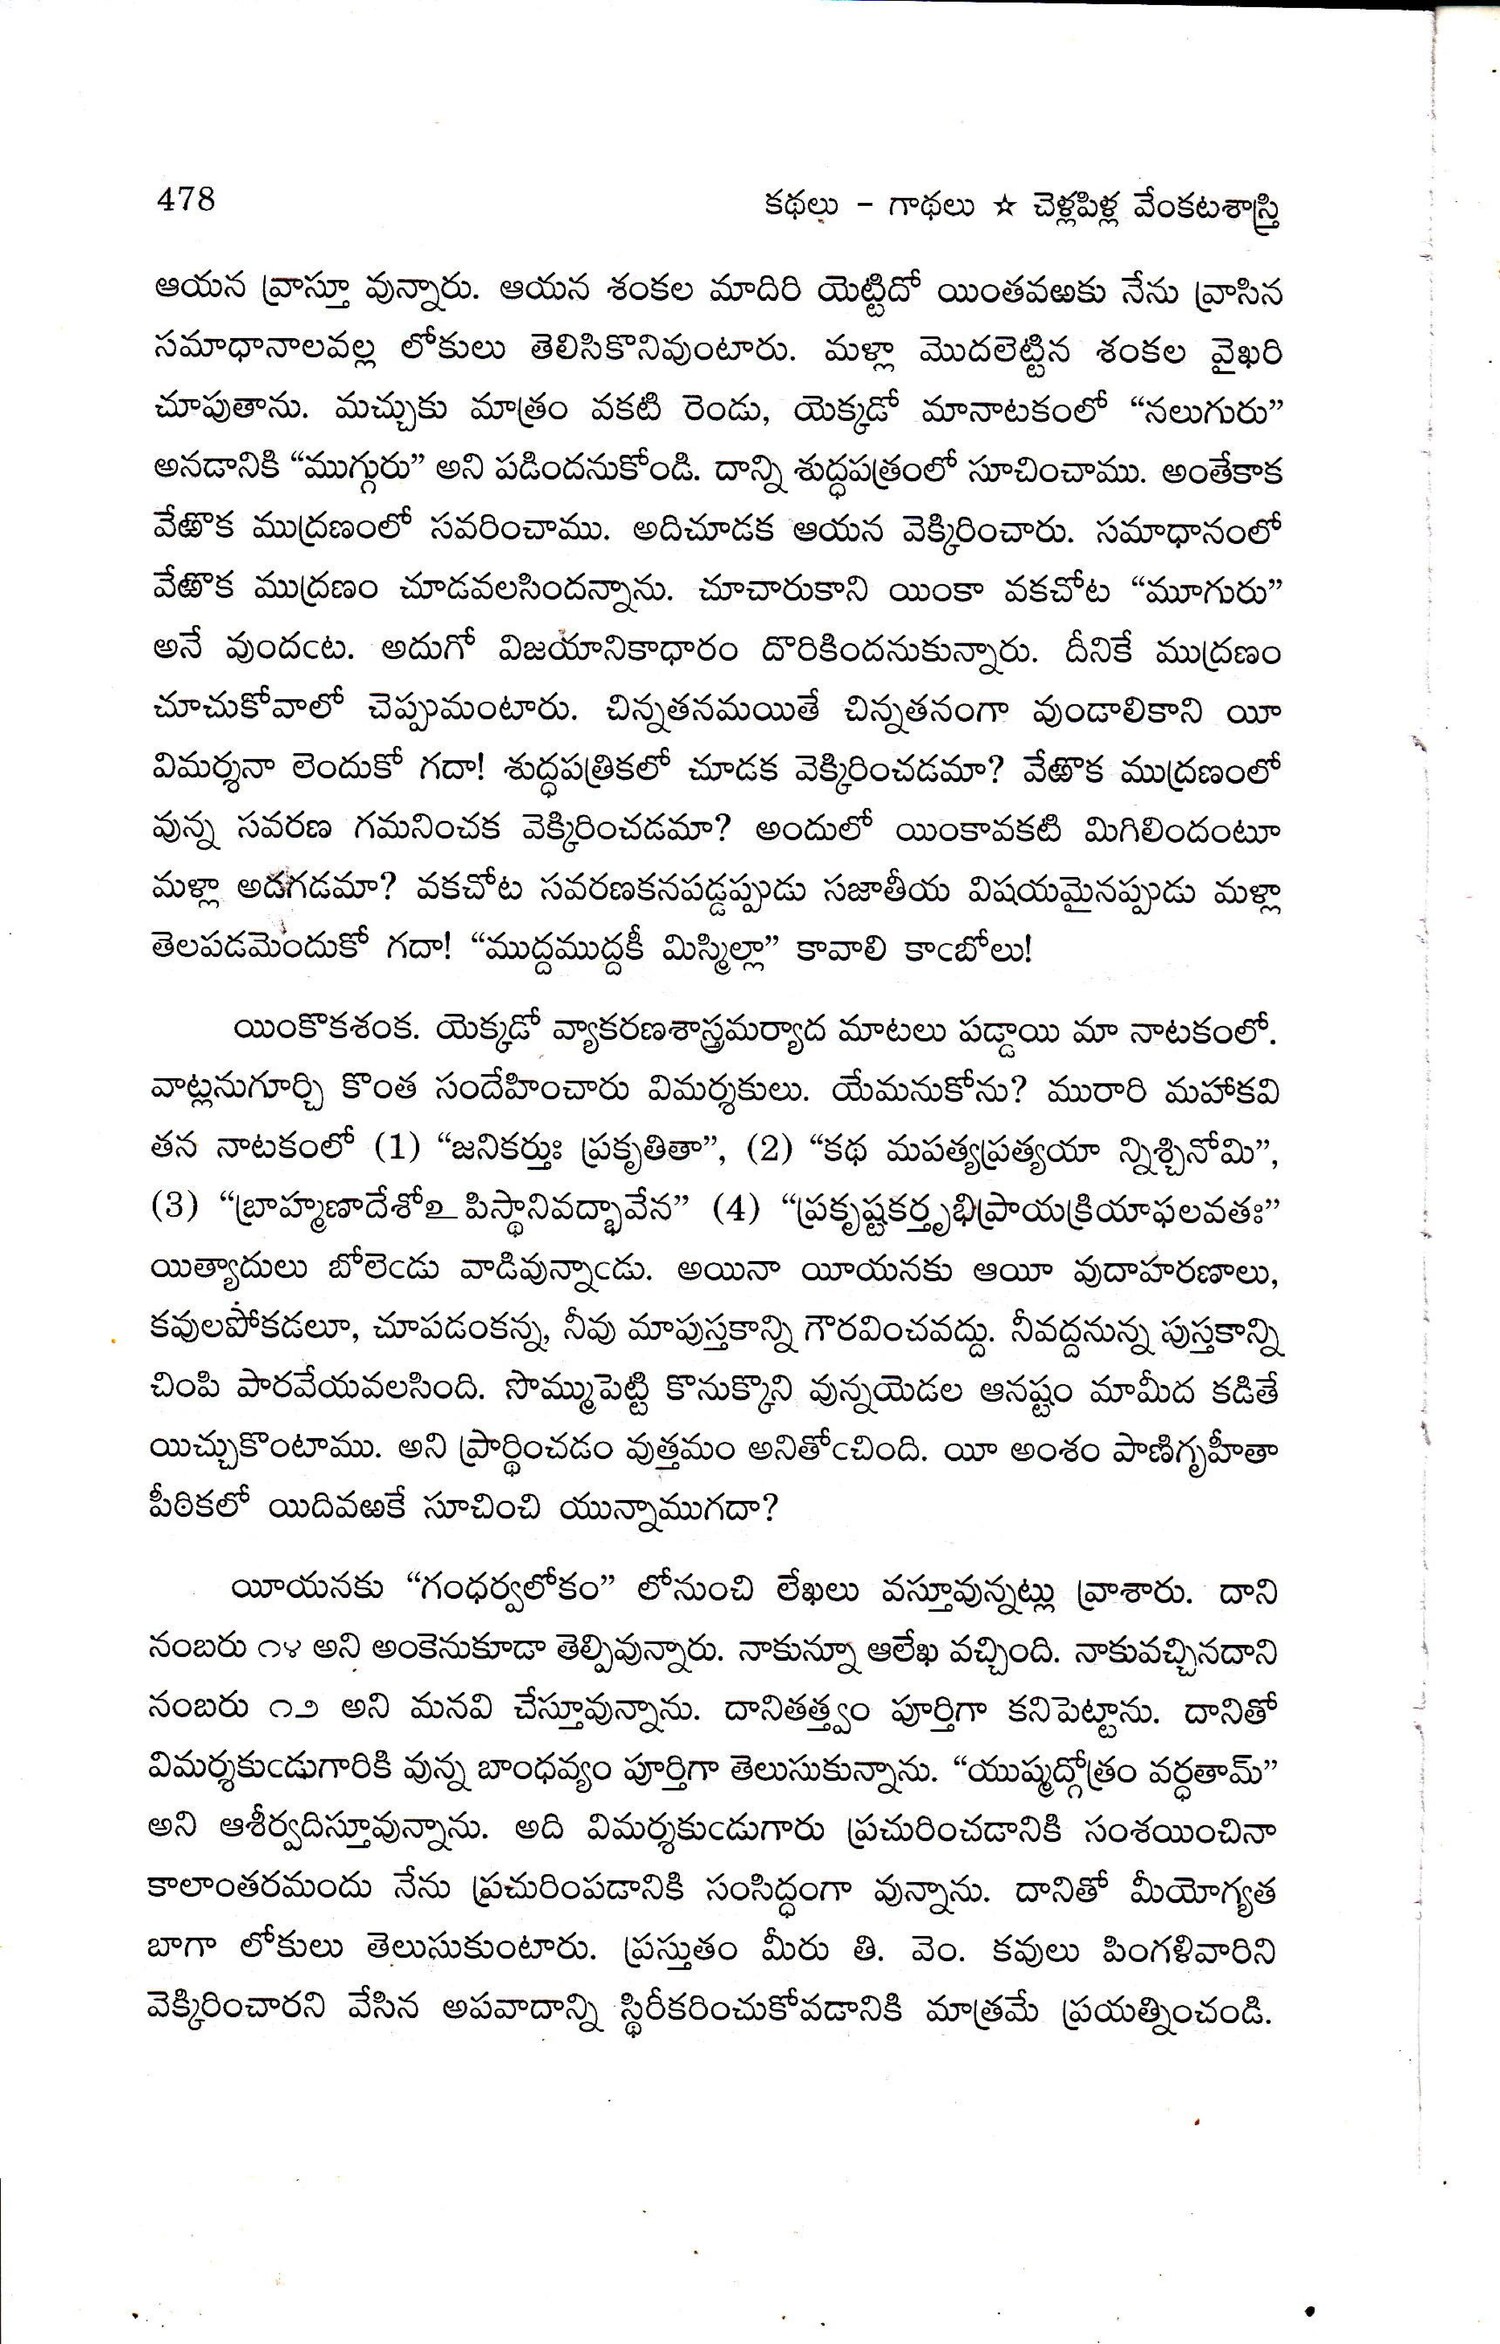ఆయన వ్రాస్తూ వున్నారు. ఆయన శంకల మాదిరి యెట్టిదో యింతవఱకు నేను వ్రాసిన సమాధానాలవల్ల లోకులు తెలిసికొనివుంటారు. మళ్లా మొదలెట్టిన శంకల వైఖరి చూపుతాను. మచ్చుకు మాత్రం వకటి రెండు, యెక్కడో మానాటకంలో “నలుగురు” అనడానికి "ముగ్గురు" అని పడిందనుకోండి. దాన్ని శుద్ధపత్రంలో సూచించాము. అంతేకాక వేఱొక ముద్రణంలో సవరించాము. అదిచూడక ఆయన వెక్కిరించారు. సమాధానంలో వేఱొక ముద్రణం చూడవలసిందన్నాను. చూచారుకాని యింకా వకచోట “మూగురు” అనే వుందఁట. అదుగో విజయానికాధారం దొరికిందనుకున్నారు. దీనికే ముద్రణం చూచుకోవాలో చెప్పుమంటారు. చిన్నతనమయితే చిన్నతనంగా వుండాలికాని యీ విమర్శనా లెందుకో గదా! శుద్ధపత్రికలో చూడక వెక్కిరించడమా? వేఱొక ముద్రణంలో వున్న సవరణ గమనించక వెక్కిరించడమా? అందులో యింకావకటి మిగిలిందంటూ మళ్లా అడగడమా? వకచోట సవరణకనపడ్డప్పుడు సజాతీయ విషయమైనప్పుడు మళ్లా తెలపడమెందుకో గదా! “ముద్దముద్దకీ మిస్మిల్"లా కావాలి కాఁబోలు!

యింకొకశంక. యెక్కడో వ్యాకరణశాస్త్రమర్యాద మాటలు పడ్డాయి మా నాటకంలో, వాట్లనుగూర్చి కొంత సందేహించారు విమర్శకులు. యేమనుకోను? మురారి మహాకవి తన నాటకంలో (1) “జనికర్తుః ప్రకృతితా", (2) “కథ మపత్యప్రత్యయా న్నిశ్చినోమి", (3) "బ్రాహ్మణాదేశో౽పిస్థానివద్భావేన" (4) "ప్రకృష్టకర్తృభిప్రాయక్రియాఫలవతః" యిత్యాదులు బోలెఁడు వాడివున్నాఁడు. అయినా యీయనకు ఆయీ వుదాహరణాలు, కవులపోకడలూ, చూపడంకన్న నీవు మాపుస్తకాన్ని గౌరవించవద్దు. నీవద్దనున్న పుస్తకాన్ని చింపి పారవేయవలసింది. సొమ్ముపెట్టి కొనుక్కొని వున్నయెడల ఆనష్టం మామీద కడితే యిచ్చుకొంటాము. అని ప్రార్ధించడం వుత్తమం అనితోఁచింది. యీ అంశం పాణిగృహీతా పీఠికలో యిదివఱకే సూచించి యున్నాముగదా?

యీయనకు "గంధర్వలోకం" లోనుంచి లేఖలు వస్తూవున్నట్లు వ్రాశారు. దాని నంబరు 14 అని అంకెనుకూడా తెల్పివున్నారు. నాకున్నూ ఆలేఖ వచ్చింది. నాకువచ్చినదాని నంబరు 12 అని మనవి చేస్తూవున్నాను. దానితత్త్వం పూర్తిగా కనిపెట్టాను. దానితో విమర్శకుఁడుగారికి వున్న బాంధవ్యం పూర్తిగా తెలుసుకున్నాను. “యుష్మద్గోత్రం వర్ధతామ్" అని ఆశీర్వదిస్తూవున్నాను. అది విమర్శకుఁడుగారు ప్రచురించడానికి సంశయించినా కాలాంతరమందు నేను ప్రచురింపడానికి సంసిద్ధంగా వున్నాను. దానితో మీయోగ్యత బాగా లోకులు తెలుసుకుంటారు. ప్రస్తుతం మీరు తి. వెం. కవులు పింగళివారిని వెక్కిరించారని వేసిన అపవాదాన్ని స్థిరీకరించుకోవడానికి మాత్రమే ప్రయత్నించండి.